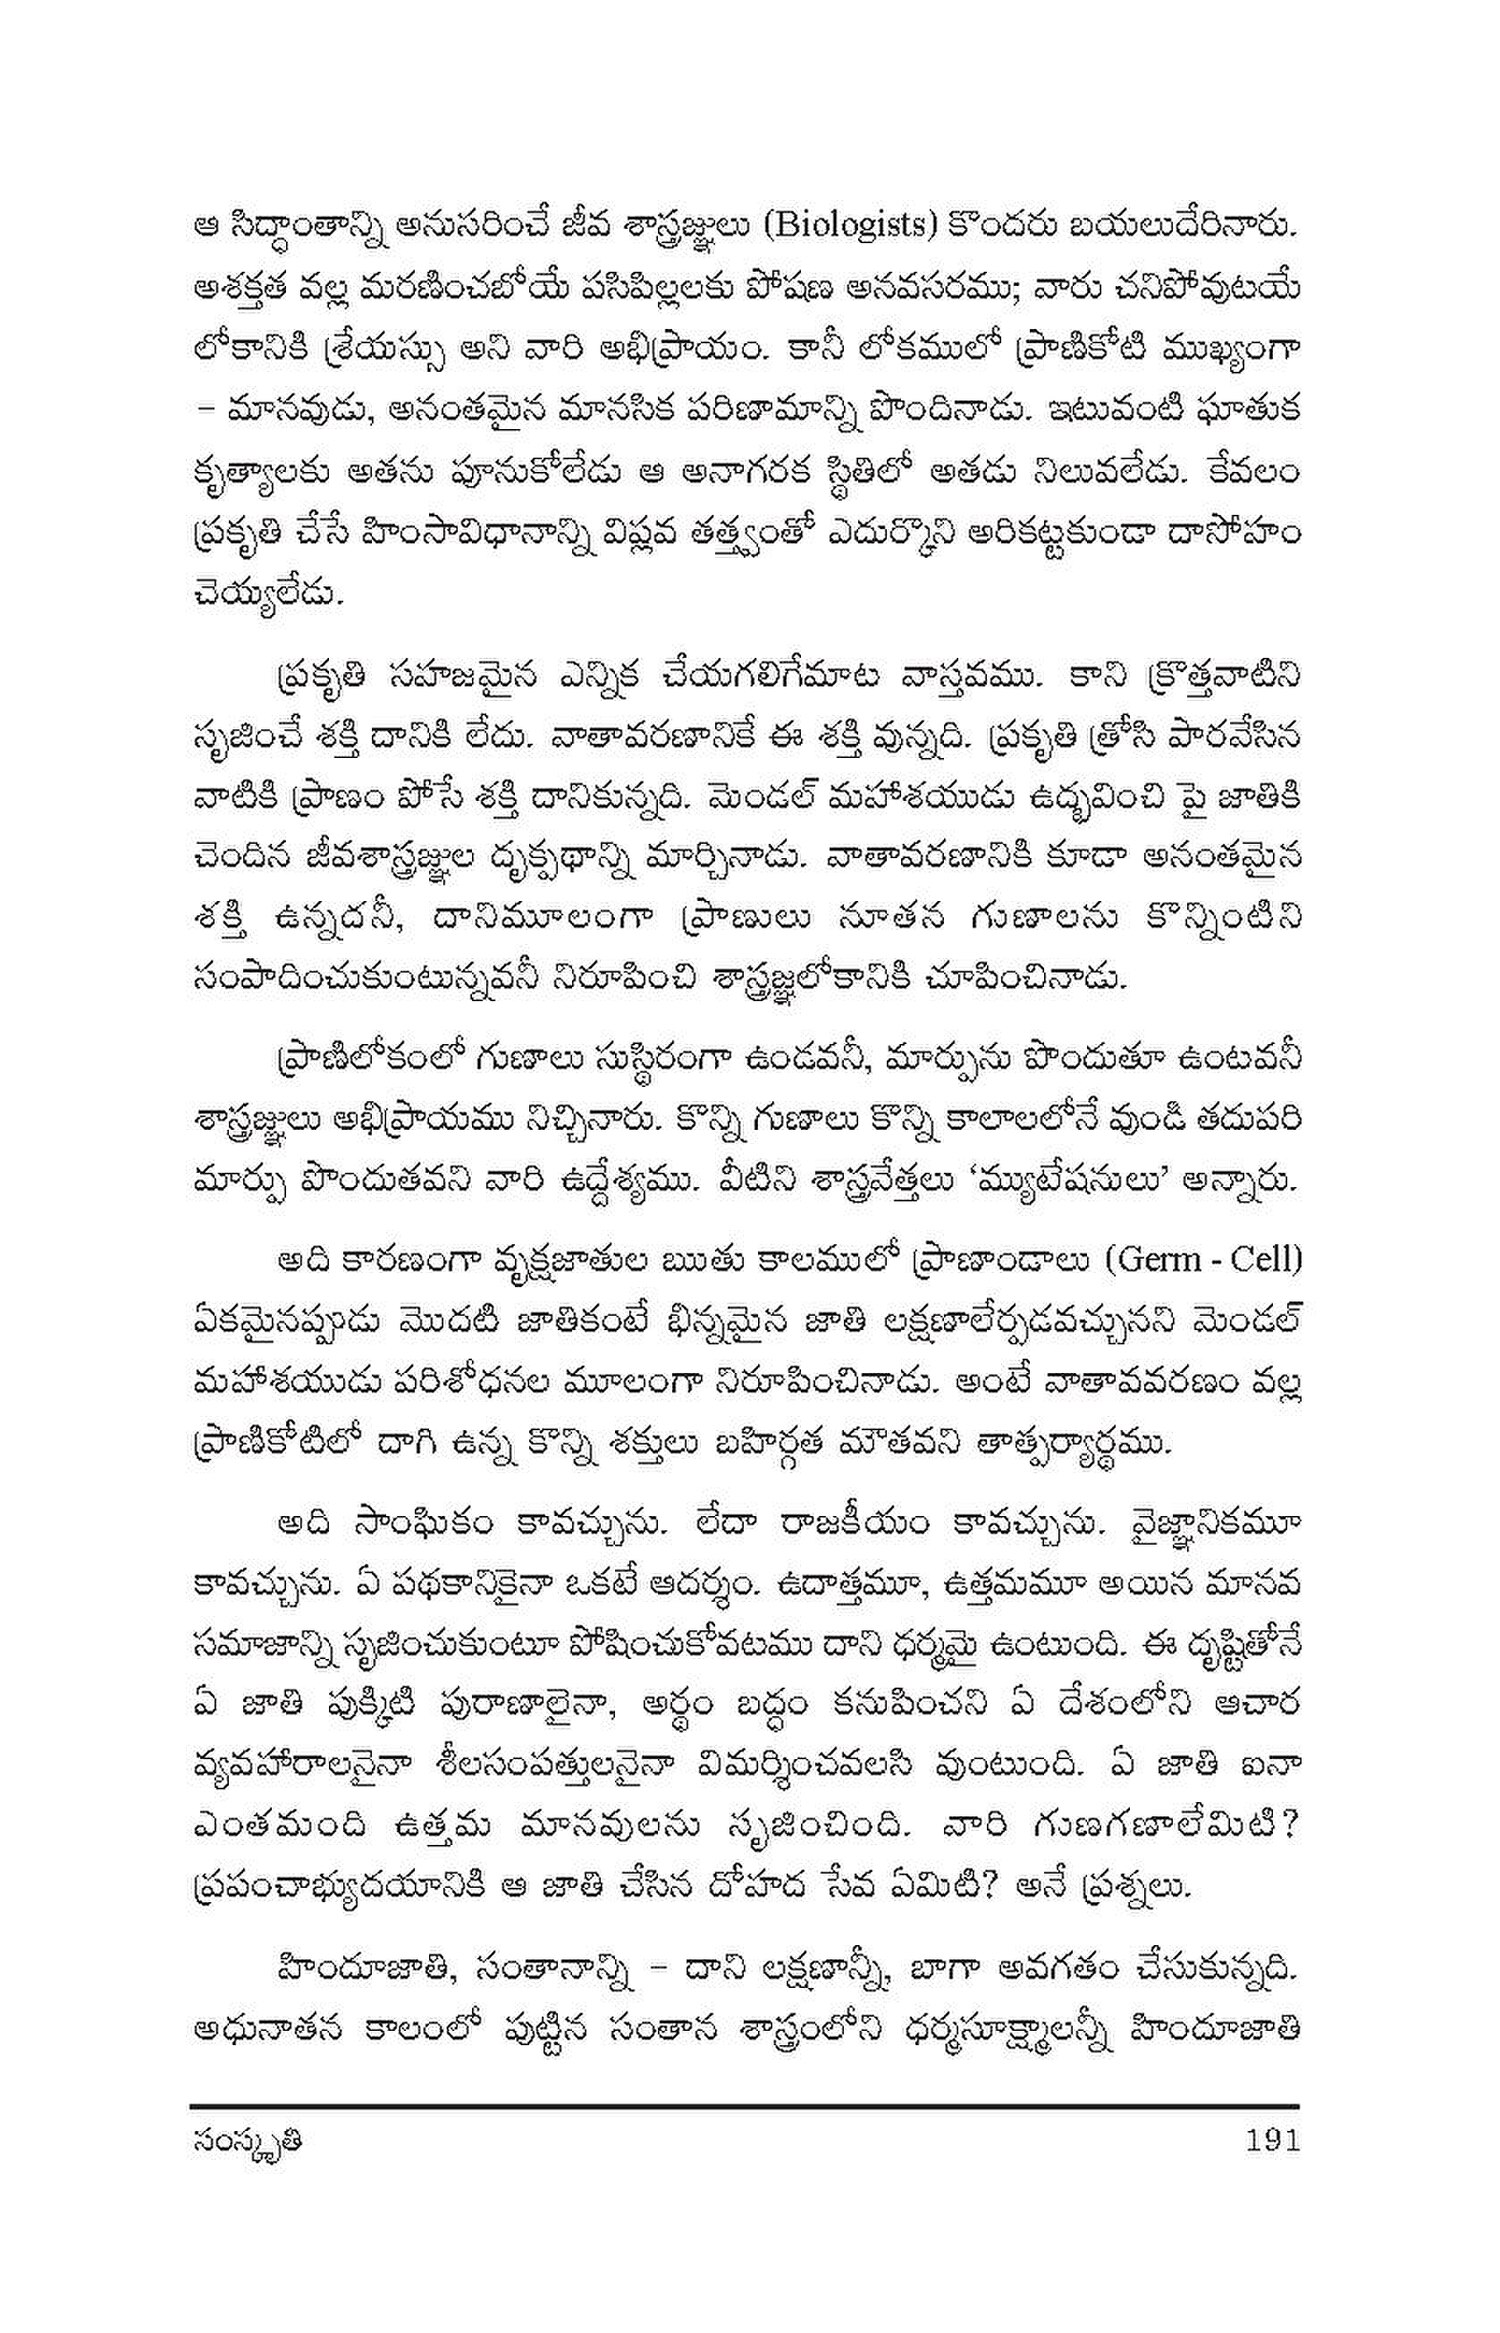ఆ సిద్ధాంతాన్ని అనుసరించే జీవ శాస్త్రజ్ఞులు (Biologists) కొందరు బయలుదేరినారు.
అశక్తత వల్ల మరణించబోయే పసిపిల్లలకు పోషణ అనవసరము; వారు చనిపోవుటయే
లోకానికి శ్రేయస్సు అని వారి అభిప్రాయం. కానీ లోకములో ప్రాణికోటి ముఖ్యంగా
-మానవుడు, అనంతమైన మానసిక పరిణామాన్ని పొందినాడు. ఇటువంటి ఘాతుక
కృత్యాలకు అతను పూనుకోలేడు ఆ అనాగరక స్థితిలో అతడు నిలువలేడు. కేవలం
ప్రకృతి చేసే హింసావిధానాన్ని విప్లవ తత్త్వంతో ఎదుర్కొని అరికట్టకుండా దాసోహం
చెయ్యలేడు.

ప్రకృతి సహజమైన ఎన్నిక చేయగలిగేమాట వాస్తవము. కాని క్రొత్తవాటిని
సృజించే శక్తి దానికి లేదు. వాతావరణానికే ఈ శక్తి వున్నది. ప్రకృతి త్రోసి పారవేసిన
వాటికి ప్రాణం పోసే శక్తి దానికున్నది. మెండల్ మహాశయుడు ఉద్భవించి పై జాతికి
చెందిన జీవశాస్త్రజ్ఞుల దృక్పథాన్ని మార్చినాడు. వాతావరణానికి కూడా అనంతమైన
శక్తి ఉన్నదనీ, దానిమూలంగా ప్రాణులు నూతన గుణాలను కొన్నింటిని
సంపాదించుకుంటున్నవనీ నిరూపించి శాస్త్రజ్ఞులోకానికి చూపించినాడు.

ప్రాణిలోకంలో గుణాలు సుస్థిరంగా ఉండవనీ, మార్పును పొందుతూ ఉంటవనీ
శాస్త్రజ్ఞులు అభిప్రాయము నిచ్చినారు. కొన్ని గుణాలు కొన్ని కాలాలలోనే వుండి తదుపరి
మార్పు పొందుతవని వారి ఉద్దేశ్యము. వీటిని శాస్త్రవేత్తలు 'మ్యుటేషనులు' అన్నారు.

అది కారణంగా వృక్షజాతుల ఋతు కాలములో ప్రాణాండాలు (Germ - Cell)
ఏకమైనప్పుడు మొదటి జాతికంటే భిన్నమైన జాతి లక్షణాలేర్పడవచ్చునని మెండల్
మహాశయుడు పరిశోధనల మూలంగా నిరూపించినాడు. అంటే వాతావవరణం వల్ల
ప్రాణికోటిలో దాగి ఉన్న కొన్ని శక్తులు బహిర్గత మౌతవని తాత్పర్యార్థము.

అది సాంఘికం కావచ్చును. లేదా రాజకీయం కావచ్చును. వైజ్ఞానికమూ
కావచ్చును. ఏ పథకానికైనా ఒకటే ఆదర్శం. ఉదాత్తమూ, ఉత్తమమూ అయిన మానవ
సమాజాన్ని సృజించుకుంటూ పోషించుకోవటము దాని ధర్మమై ఉంటుంది. ఈ దృష్టితోనే
ఏ జాతి పుక్కిటి పురాణాలైనా, అర్థం బద్ధం కనుపించని ఏ దేశంలోని ఆచార
వ్యవహారాలనైనా శీలసంపత్తులనైనా విమర్శించవలసి వుంటుంది. ఏ జాతి ఐనా
ఎంతమంది ఉత్తమ మానవులను సృజించింది. వారి గుణగణాలేమిటి?
ప్రపంచాభ్యుదయానికి ఆ జాతి చేసిన దోహద సేవ ఏమిటి? అనే ప్రశ్నలు.

హిందూజాతి, సంతానాన్ని - దాని లక్షణాన్నీ, బాగా అవగతం చేసుకున్నది.
అధునాతన కాలంలో పుట్టిన సంతాన శాస్త్రంలోని ధర్మసూక్ష్మాలన్నీ హిందూజాతి